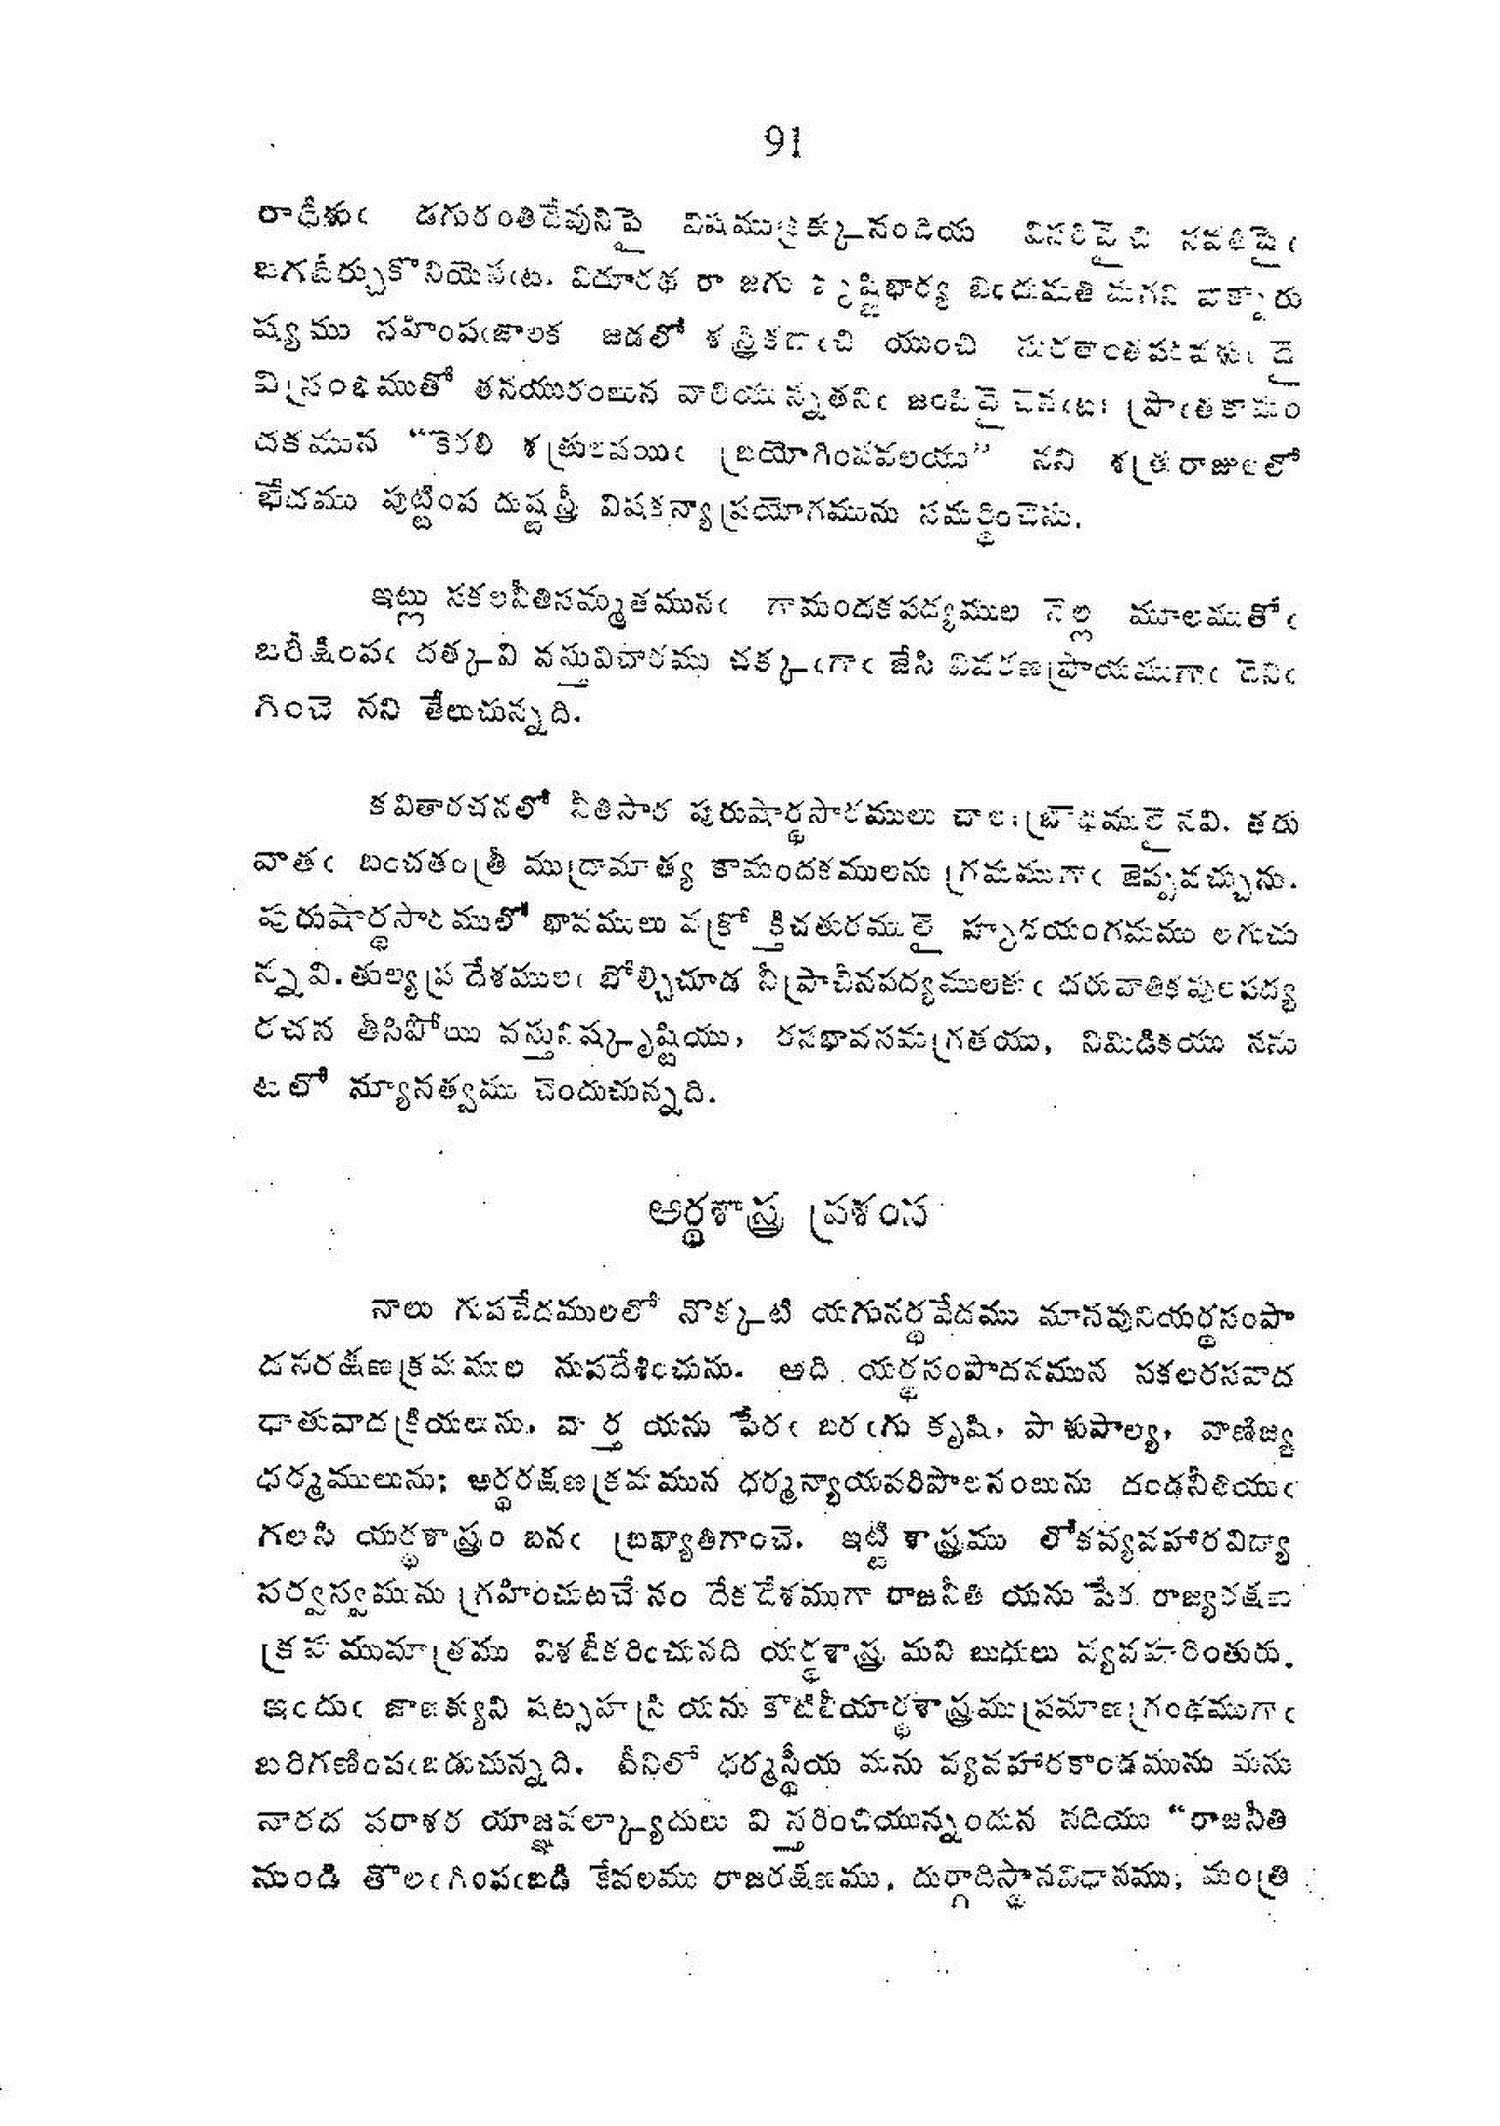రాధీశుఁ డగురంతిదేవునిపై విషముక్రక్కునందియ విసరివైచి సవతిపై బగదీర్చుకొనియెనఁట. విదూరథరా జగు వృష్టిభార్య బిందుమతి మగని వాక్పారుష్యము సహింపఁజాలక జడలో శస్త్రిక దాఁచి యుంచి సురతాంతపరివశుఁడై విస్రంభముతో తనయురంబున వారిలియున్నతనిఁ జంపివైచెనఁట! ప్రాఁతకామందకమున "కెరలి శత్రులపయిఁ బ్రయోగింపవలయు" నని శత్రురాజులలో భేదము పుట్టింప దుష్టస్త్రీ విషకన్యాప్రయోగమును సమర్థించెను.

ఇట్లు సకలనీతిసమ్మతమునఁ గామందకపద్యముల నెల్ల మూలముతోఁ బరీక్షింపఁ దత్కవి వస్తువిచారము చక్కఁగాఁ జేసి వివరణప్రాయముగాఁ దెనిఁగించె నని తేలుచున్నది.

కవితారచనలో నీతిసార పురుషార్థసారములు చాలఁబ్రౌఢములైనవి. తరువాతఁ బంచతంత్రీ ముద్రామాత్య కామందకములను గ్రమముగాఁ జెప్పవచ్చును. పురుషార్థసారములో భావములు వక్రోక్తిచతురములై హృదయంగమము లగుచున్నవి. తుల్యప్రదేశములఁ బోల్చిచూడ నీప్రాచీనపద్యములకుఁ దరువాతికవుల పద్యరచన తీసిపోయి వస్తునిష్కృష్టియు, రసభావసమగ్రతము, నిమిడికయు ననుటలో న్యూనత్వము చెందుచున్నది.
అర్థశాస్త్రప్రశంస
నాలుగుపవేదములలో నొక్కటి యగునర్థవేదము మానవునియర్థసంపాదసరక్షణక్రమముల నుపదేశించును. అది యర్థసంపాదనమున సకలరసవాదధాతువాదక్రియలును, వార్త యనుపేరఁ బరఁగు కృషి, పాశుపాల్య, వాణిజ్యధర్మములును; అర్థరక్షణక్రమమున ధర్మన్యాయపరిపాలనంబును దండనీతియుఁ గలసి యర్థశాస్త్రం బనఁ బ్రఖ్యాతి గాంచె ఇట్టి శాస్త్రము లోకవ్యవహారవిద్యాసర్వస్వమును గ్రహించుటచే నం దేకదేశముగా రాజనీతి యనుపేర రాజ్యరక్షణక్రమము మాత్రము విశదీకరించునది యర్థశాస్త్ర మని బుధులు వ్యవహరింతురు. ఇందుఁ జాణక్యుని షట్సహస్రి యను కౌటిలీయార్థశాస్త్రము ప్రమాణగ్రంథముగాఁ బరిగణింపఁబడుచున్నది. దీనిలో ధర్మస్థీయ మను వ్యవహారకాండమును మను నారద పరాశర యాజ్ఞవల్క్యాదులు విస్తరించియున్నందున నదియు "రాజనీతినుండి తొలఁగింపఁబడి కేవలము రాజరక్షణము, దుర్గాదిస్థానవిధానము, మంత్రి